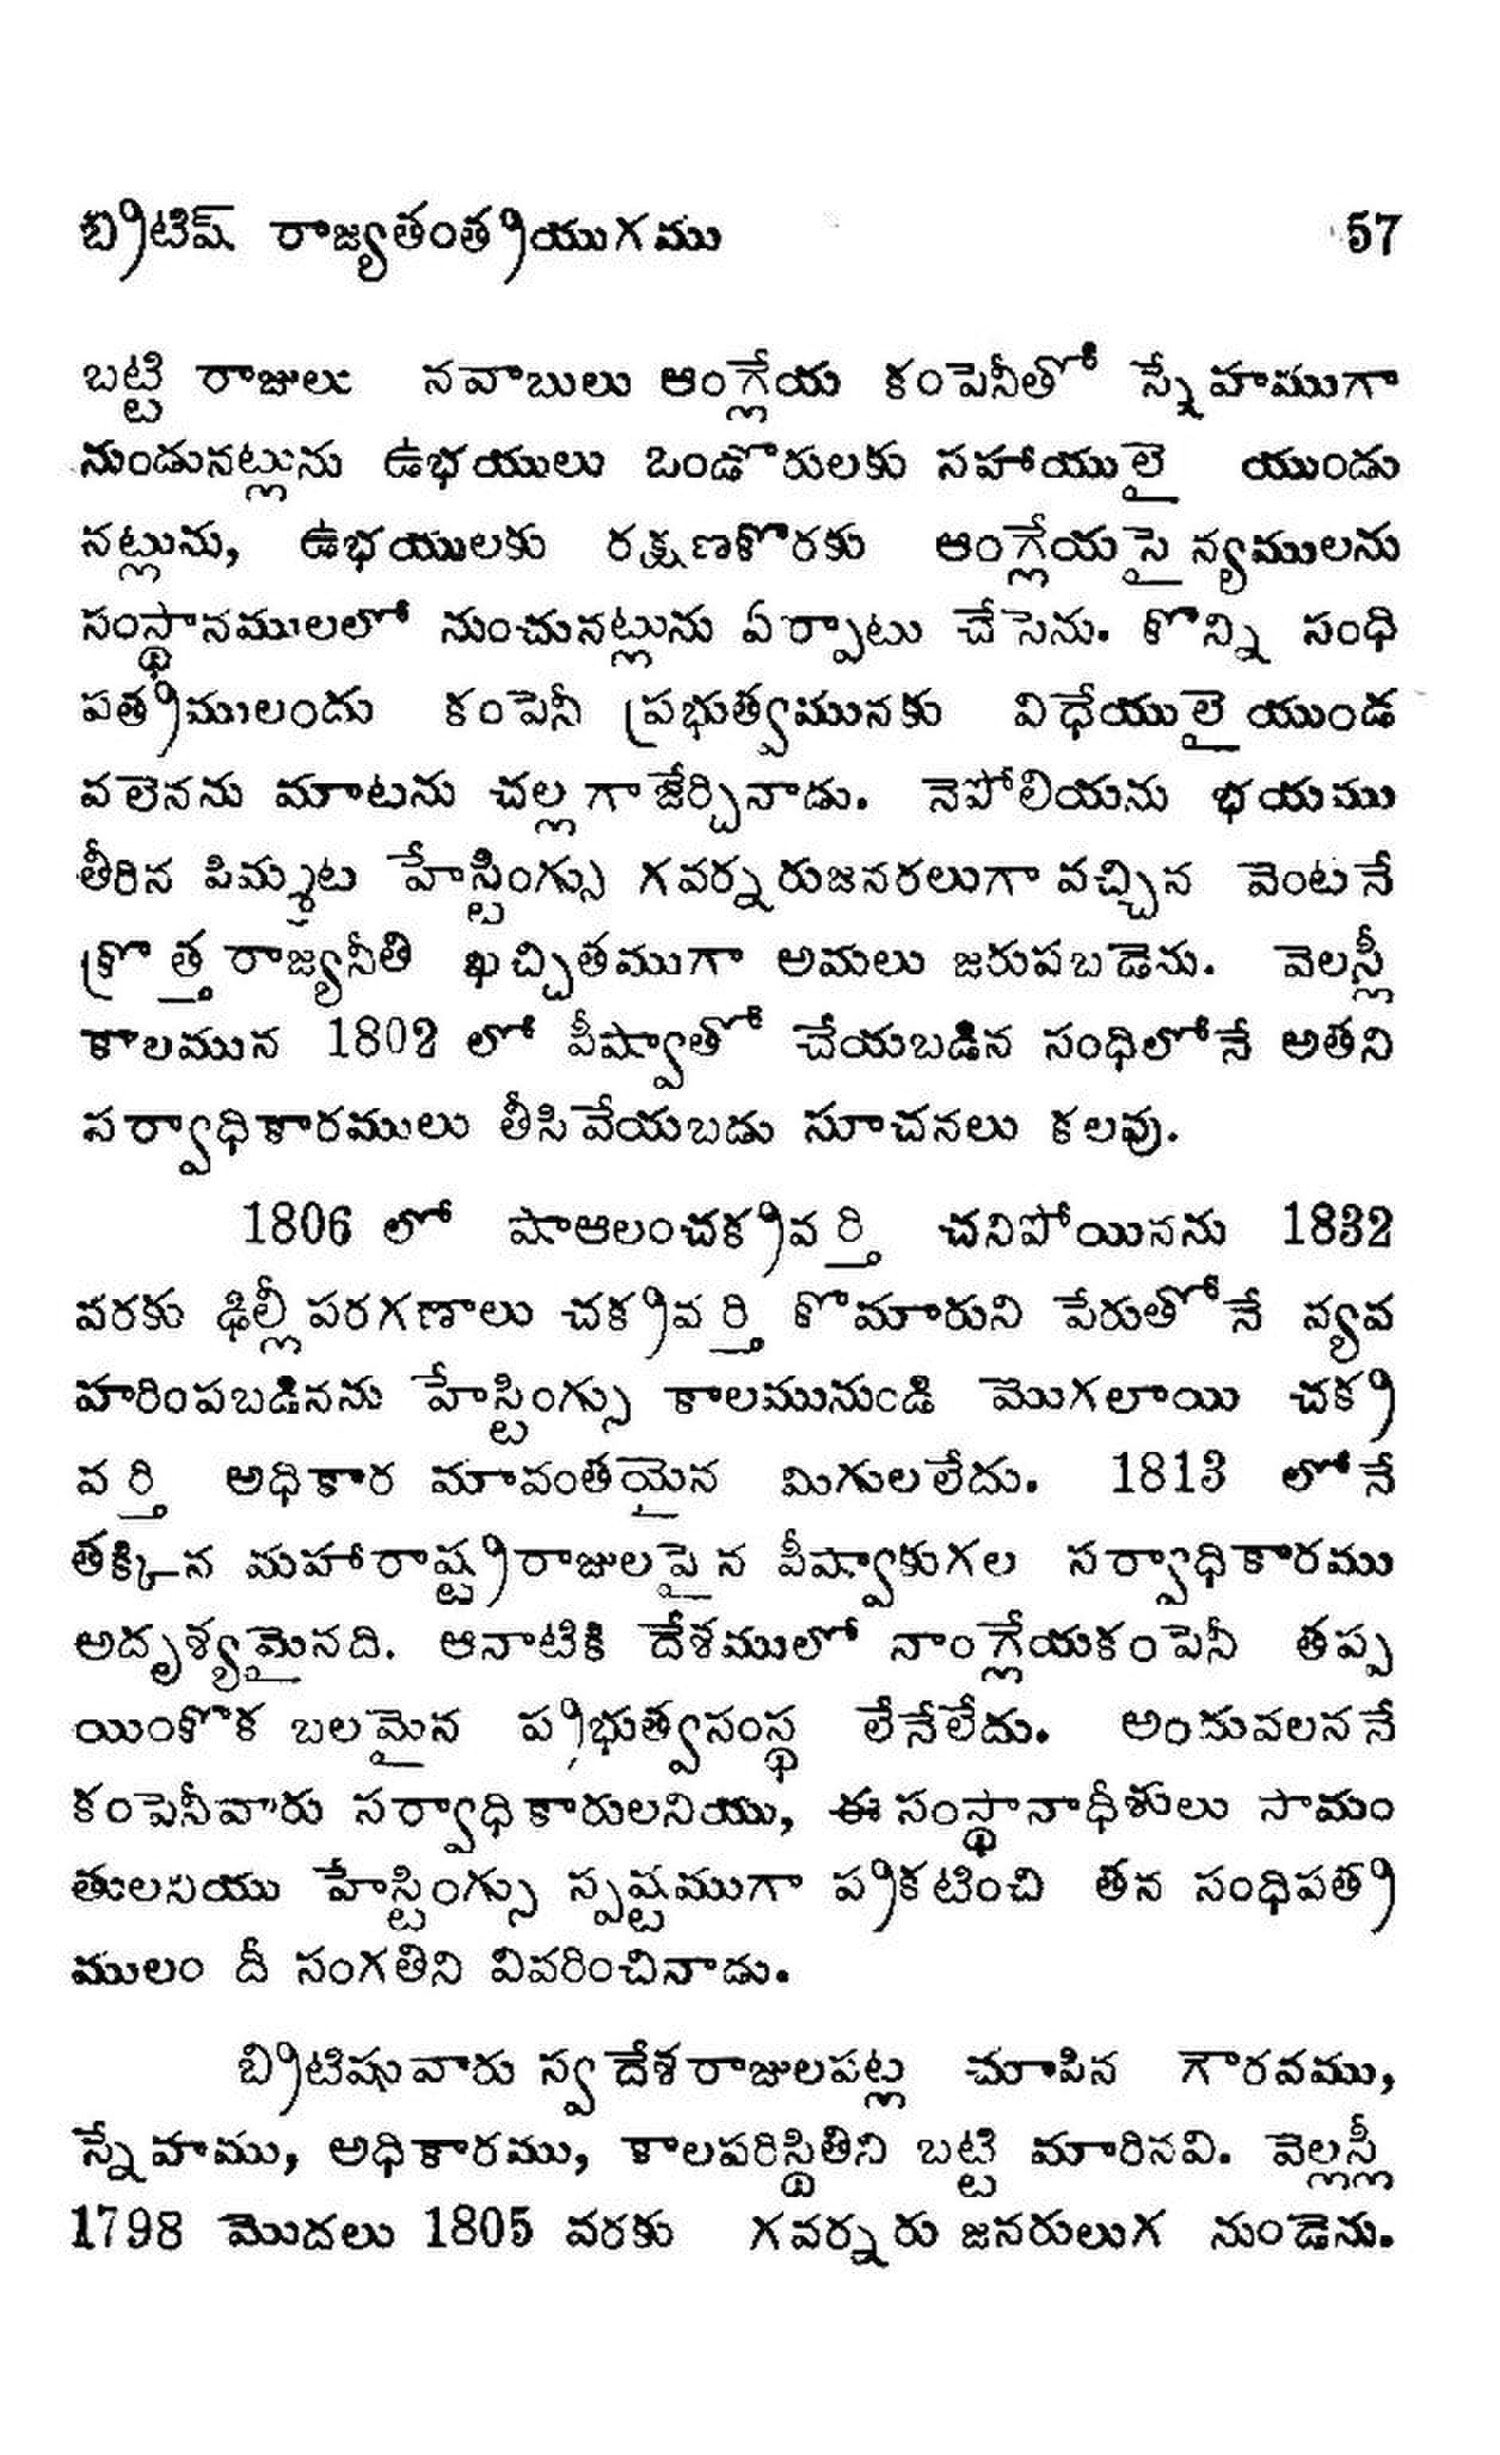బట్టి రాజులు నవాబులు ఆంగ్లేయ కంపెనీతో స్నేహముగా నుండునట్లును ఉభయులు ఒండొరులకు సహాయులై యుండునట్లును, ఉభయులకు రక్షణకొరకు ఆంగ్లేయసైన్యములను సంస్థానములలో నుంచునట్లును ఏర్పాటు చేసెను. కొన్ని సంధిపత్రములందు కంపెనీ ప్రభుత్వమునకు విధేయులై యుండవలెనను మాటను చల్లగాజేర్చినాడు. నెపోలియను భయము తీరిన పిమ్మట హేస్టింగ్సు గవర్నరు జనరలుగా వచ్చిన వెంటనే క్రొత్త రాజ్యనీతి ఖచ్చితముగా అమలు జరుపబడెను. వెలస్లీ కాలమున 1802 లో పీష్వాతో చేయబడిన సంధిలోనే అతని సర్వాధికారములు తీసివేయబడు సూచనలు కలవు.

1806 లో షాఆలంచక్రవర్తి చనిపోయినను 1832 వరకు ఢిల్లీపరగణాలు చక్రవర్తి కొమారుని పేరుతోనే వ్యవహరింపబడినను హేస్టింగ్సు కాలమునుండి మొగలాయి చక్రవర్తి అధికార మావంతయైన మిగులలేదు. 1813 లోనే తక్కిన మహారాష్ట్రరాజులపైన పీష్వాకుగల సర్వాధికారము అదృశ్యమైనది. ఆనాటికి దేశములో నాంగ్లేయకంపెనీ తప్ప యింకొక బలమైన ప్రభుత్వసంస్థ లేనేలేదు. అందువలననే కంపెనీవారు సర్వాధికారులనియు, ఈ సంస్థానాధీశులు సామంతులనియు హేస్టింగ్సు స్పష్టముగా ప్రకటించి తన సంధిపత్రములం దీ సంగతిని వివరించినాడు.

బ్రిటిషువారు స్వదేశ రాజులపట్ల చూపిన గౌరవము, స్నేహము, అధికారము, కాలపరిస్థితిని బట్టి మారినవి. వెల్లస్లీ 1798 మొదలు 1805 వరకు గవర్నరు జనరులుగ నుండెను.